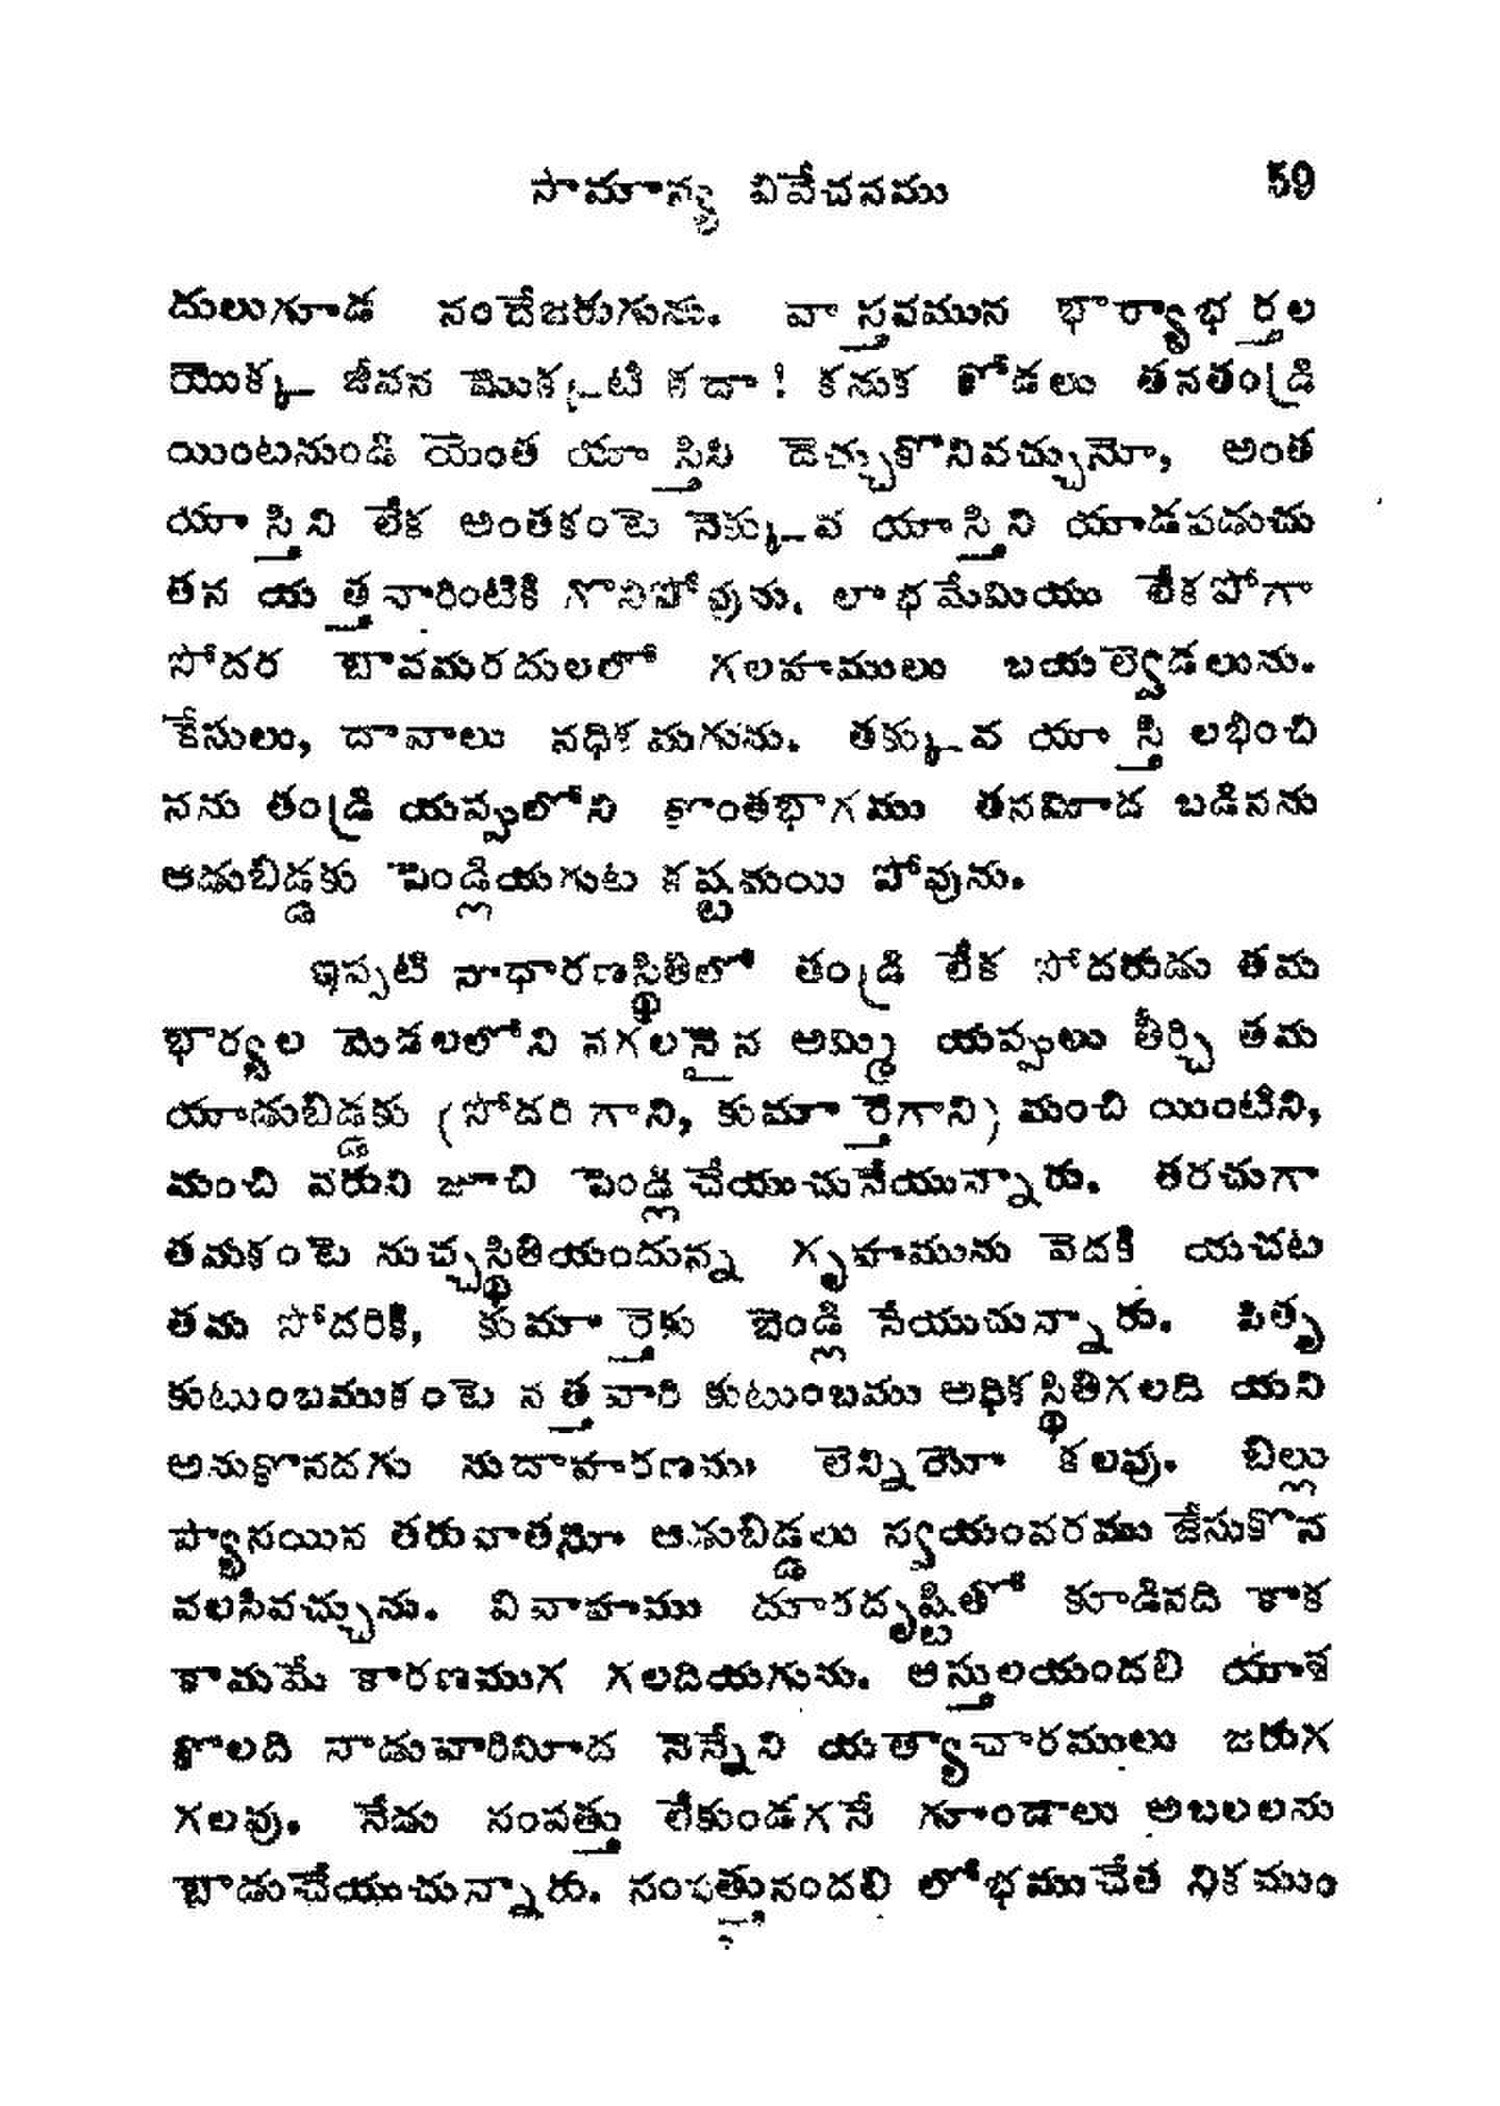దులుగూడ నందేజరుగును. వాస్తవమున భార్యాభర్తల
యొక్క జీవన మొక్కటి కదా! కనుక కోడలు తనతండ్రి
యింటనుండి యెంత యాస్తిని దెచ్చుకొనివచ్చునో , అంత
యాస్తిని లేక అంతకంటే నెక్కువ యాస్తిని యాడపడుచు
తన యత్తవారింటికి గొనిపోవును. లాభమేమియు లేకపోగా
సోదర బావమరదులలో గలహములు బయల్వెడలును.
కేసులు, దావాలు నధిక మగును, తక్కువ యాస్తి లభించినను 
తండ్రి యప్పులోని కొంతభాగము తనమీద బడినను
ఆడుబిడ్డకు పెండ్లియగుట కష్టమయి పోవును.

ఇప్పటి సాధారణస్థితిలో తండ్రి లేక సోదరుడు తమ
భార్యల మెడలలోని నగలనైన అమ్మి యప్పులు తీర్చి తమ
యాడుబిడ్డకు (సోదరి గాని, కుమార్తెగాని) మంచి యింటిని,
మంచి వరుని జూచి పెండ్లి చేయుచునేయున్నారు. తరచుగా
తమకంటె నుచ్చస్థితియందున్న గృహమును వెదకి యచట
తమ సోదరికి, కుమార్తెకు బెండ్లి చేయుచున్నారు. పితృ
కుటుంబముకంటె నత్త వారి కుటుంబము అధిక స్థితిగలది యని
అనుకొనదగు నుదాహరణము లెన్నియో కలవు. బిల్లు
ప్యానయిన తరువాతనూ ఆడుబిడ్డలు స్వయంవరము జేసుకొన
వలసివచ్చును. వివాహము దూరదృష్టితో కూడినది కాక
కామమే కారణముగ గలదియగును. ఆస్తులయందలి యాశ
కొలది నాడువారిమీద నె న్నేని యత్యాచారములు జరుగ
గలవు. నేడు సంపత్తు లేకుండగనే గూండాలు అబలలను
బాడుచేయుచున్నారు. సంపత్తునందలి లోభముచేత నికముం